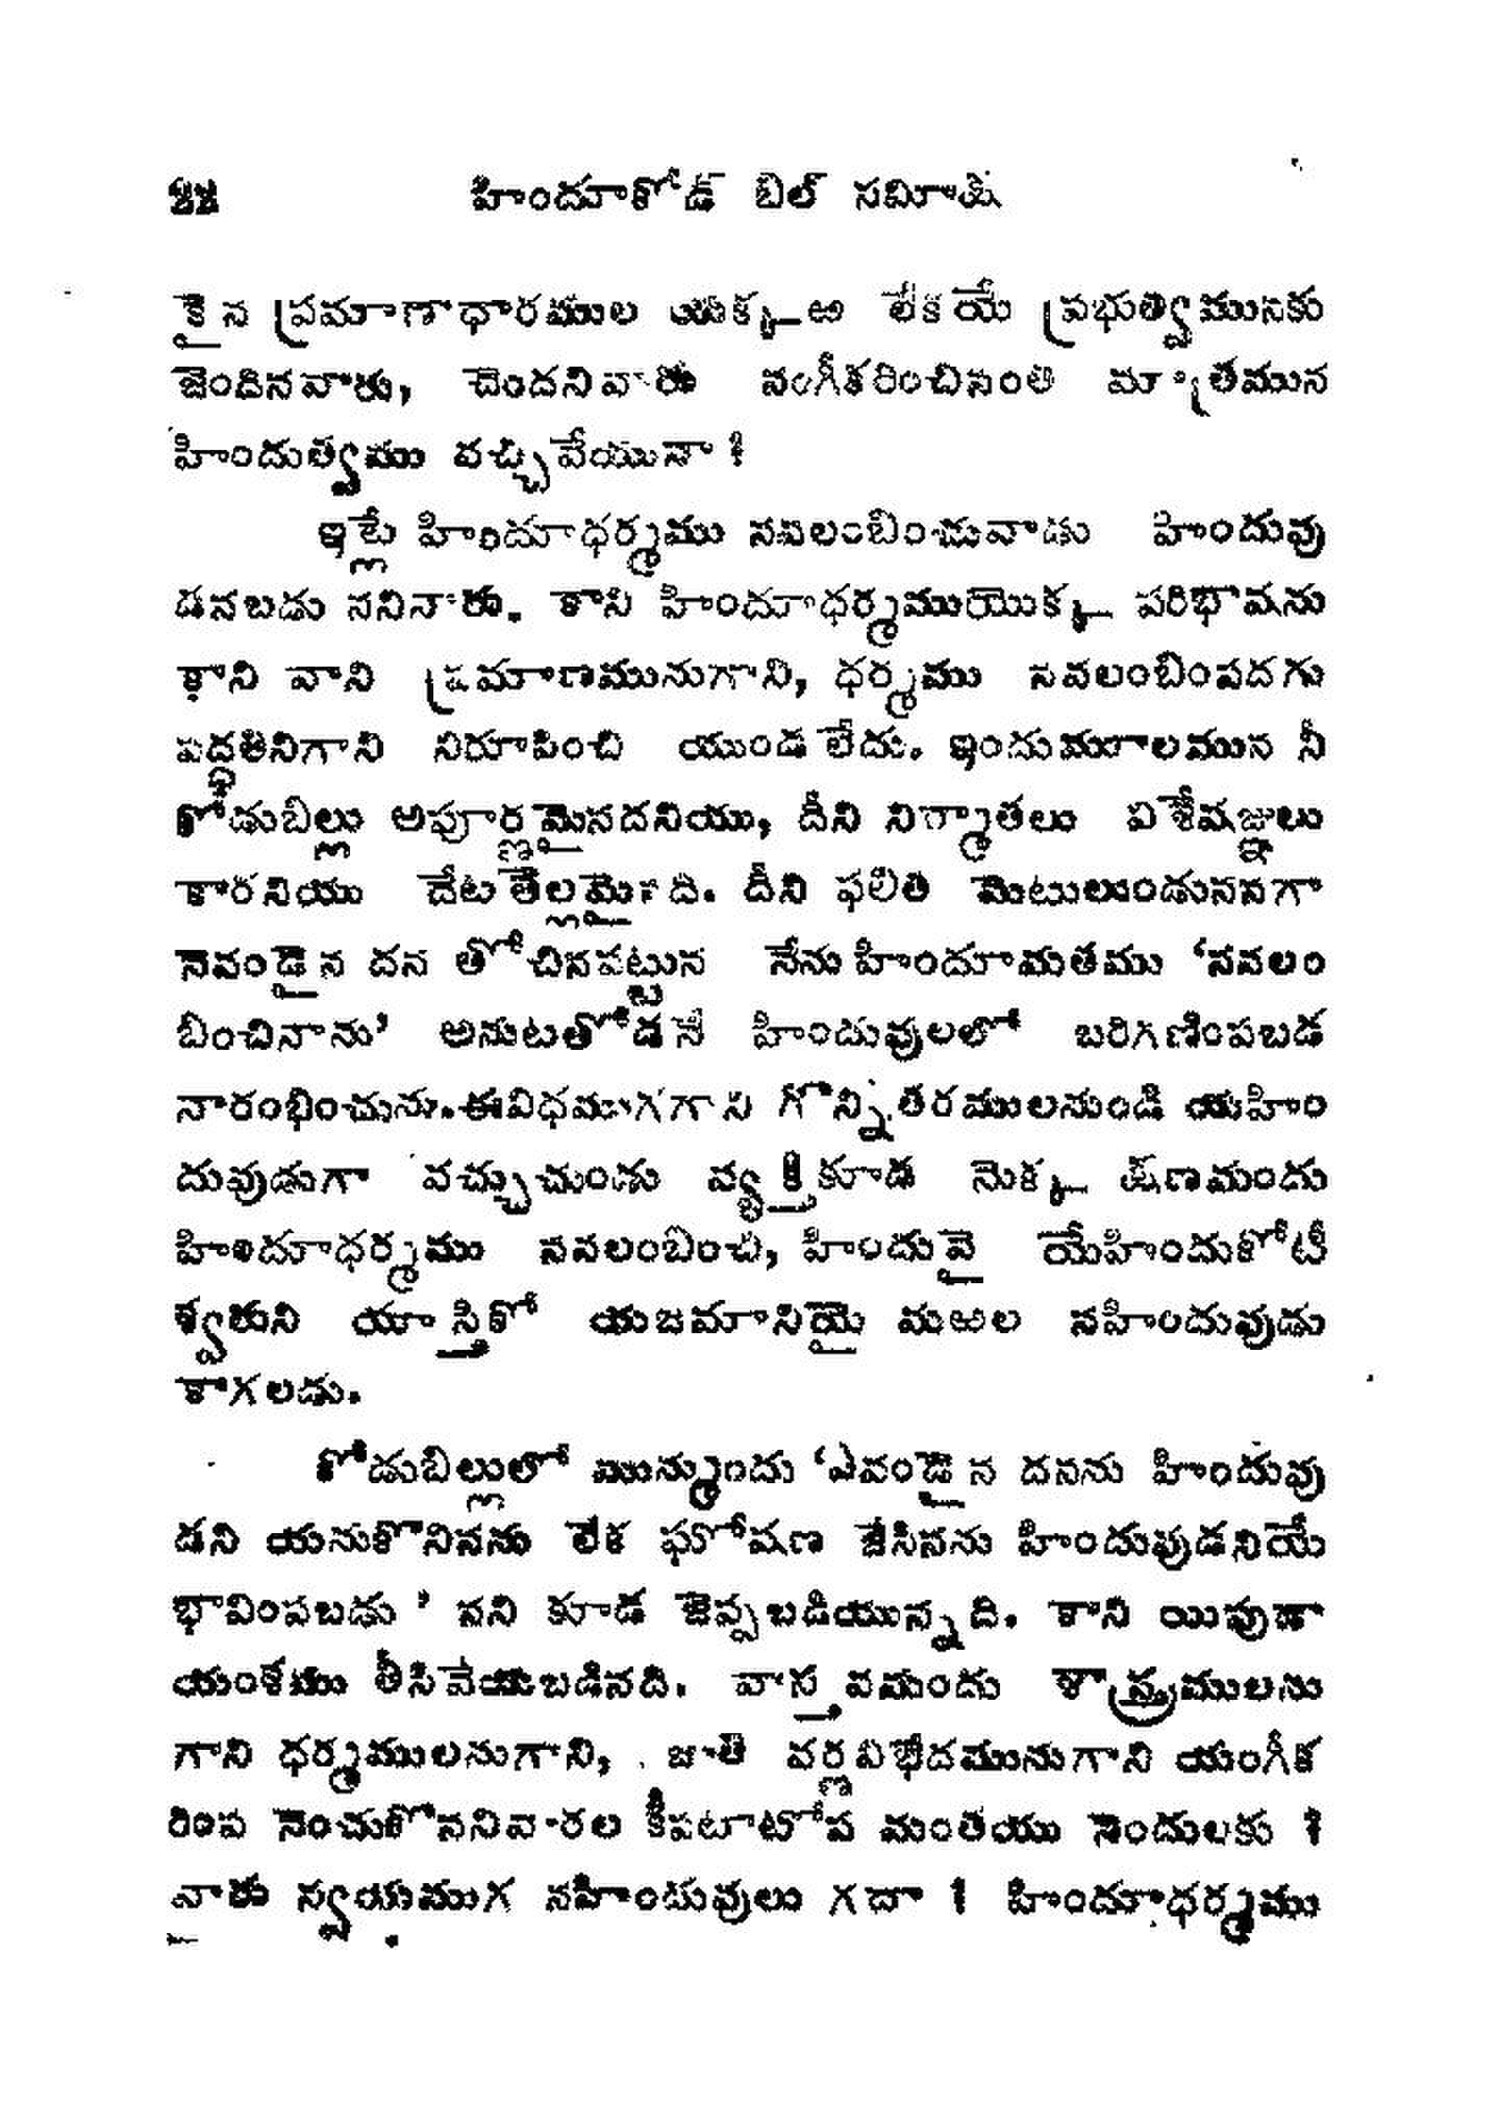కైన ప్రమాణాధారముల యక్కఱ లేకయే ప్రభుత్వమునకు
జెందినవారు, చెందనివారు నంగీకరించినంత మాత్రమున
హిందుత్వము వచ్చివేయునా ?

ఇట్లే హిందూధర్మము నవలంబించువాడు హిందువు
డనబడు ననినారు. కాని హిందూ ధర్మముయొక్క పరిభాషను
కాని వాని ప్రమాణమునుగాని, ధర్మము నవలంబింపదగు
పద్ధతినిగాని నిరూపించి యుండ లేదు. ఇందుమూలమున నీ
కోడుబిల్లు అపూర్ణమైనదనియు, దీని నిర్మాతలు విశేషజ్ఞులు
కారనియు దేటతెల్లమైనది. దీని ఫలిత మెటులుండుననగా
నెవండైన దన తోచిన పట్టున నేను హిందూమతము 
‘నవలంబించినాను' అనుటతోడనే హిందువులలో 
బరిగణింపబడ నారంభించును.ఈవిధముగగాని గొన్ని 
తరములనుండి యహిందువుడుగా వచ్చుచుండు వ్యక్తి కూడ 
నొక్క క్షణమందు హిందూధర్మము నవలంబించి, హిందువై 
యేహిందుకోటీశ్వరుని యాస్తికో యజమానియై మఱల నహిందువుడు
కాగలడు.

కోడుబిల్లులో మున్ముందు 'ఎవండైన దనను హిందువు
డని యనుకొనినను లేక ఘోషణ జేసినను హిందువుడనియే
భావింపబడు ' నని కూడ జెప్పబడియున్నది. కాని యిపుడా 
యంశము తీసివేయబడినది. వాస్తవమందు శాస్త్రములను
గాని ధర్మములనుగాని, జాతి వర్ణవిభేదమునుగాని యంగీక
రింప నెంచుకొ ననివారల కీపటాటోప మంతయు నెందులకు ?
వారు స్వయముగ నహిందువులు గదా ! హిందూధర్మము
.